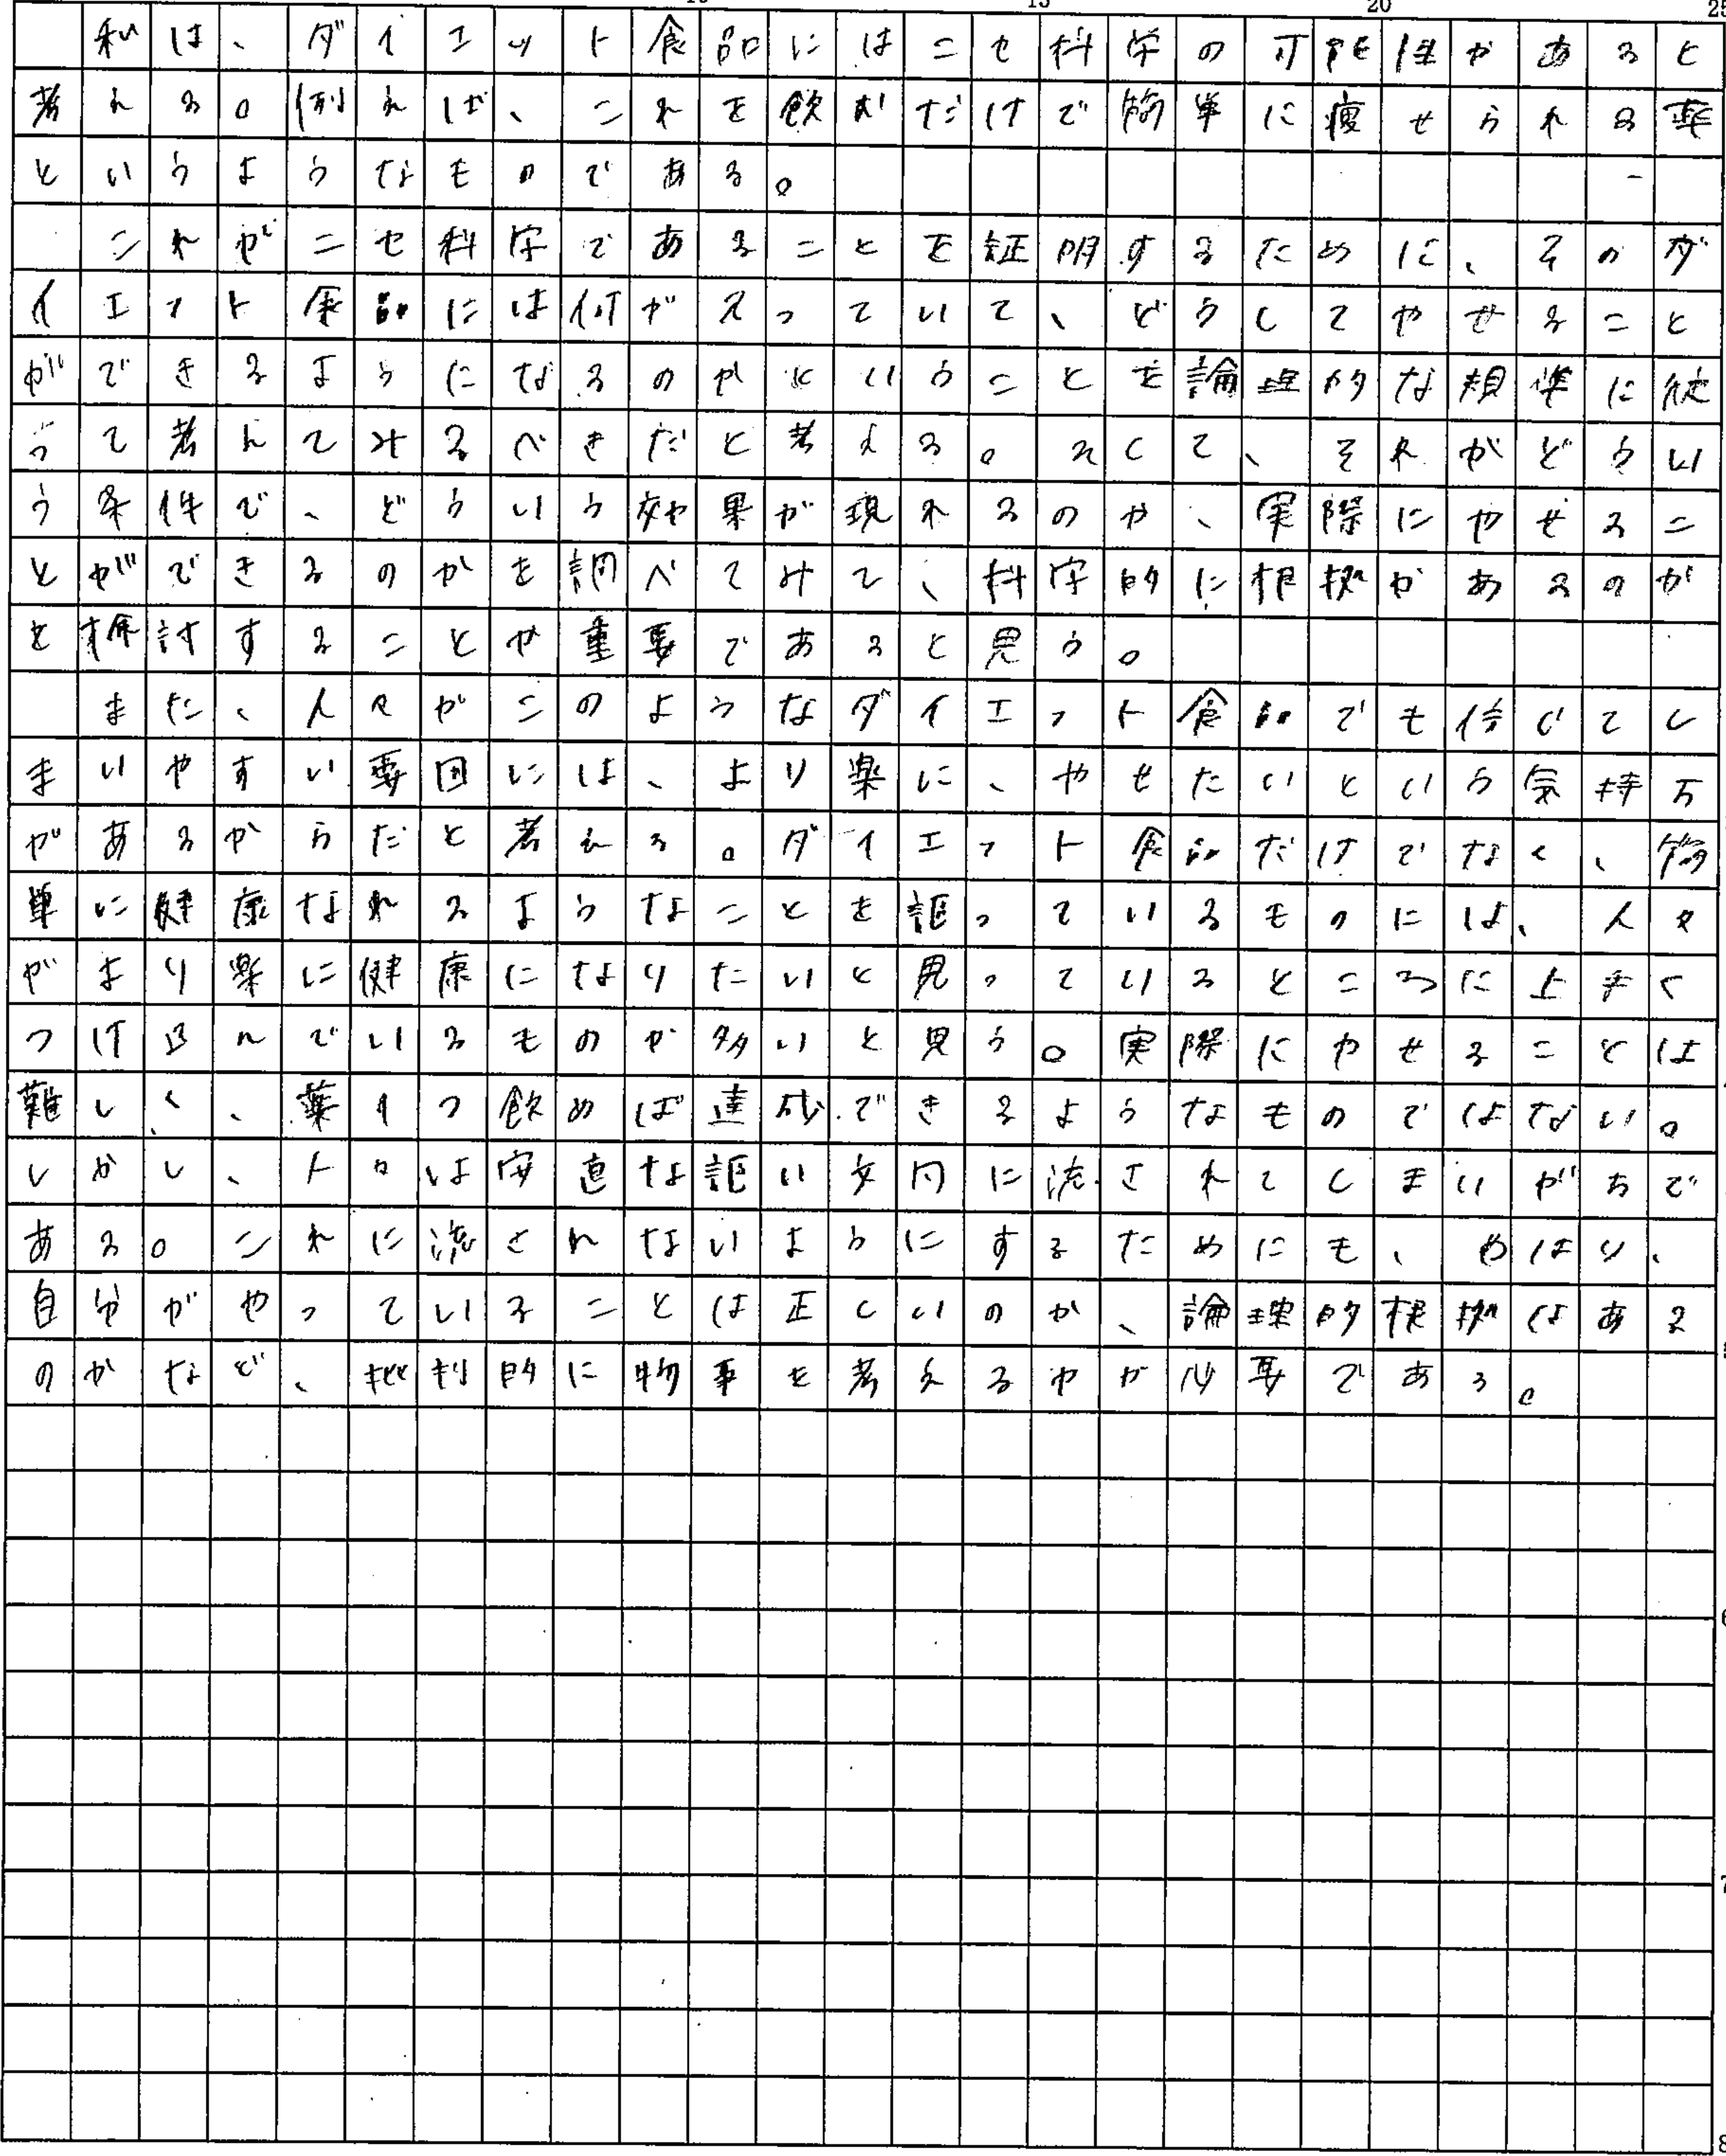　私は、ダイエット食品にはニセ科学の可能性があると考える。例えば、これを飲むだけで簡単に痩せられる▁というようなものである。
　これがニセ科学であることを証明するために、そのダイエット食品には何が入っていて、どうしてやせることができるようになるのかということを論理的な規準に▁って考えてみるべきだと考える。そして、それがどういう条件で、どういう効果が現れるのか、実際にやせることができるのかを調べてみて、科学的に根拠があるのかを検討することが重要であると思う。
　また、人々がこのようなダイエット食品でも信じてしまいやすい要因には、より楽に、やせたいという気持ちがあるからだと考える。ダイエット食品だけでなく、簡単に健康なれるようなことを謳っているものには、人々がより楽に健康になりたいと思っているところに上手くつけ込んでいるものが多いと思う。実際にやせることは難しく、薬１つ飲めば達成できるようなものではない。しかし、人々は安直な謳い文句に流されてしまいがちである。これに流されないようにするためにも、やはり、自分がやっていることは正しいのか、論理的根拠はあるのかなど、批判的に物事を考えるかが必要である。
